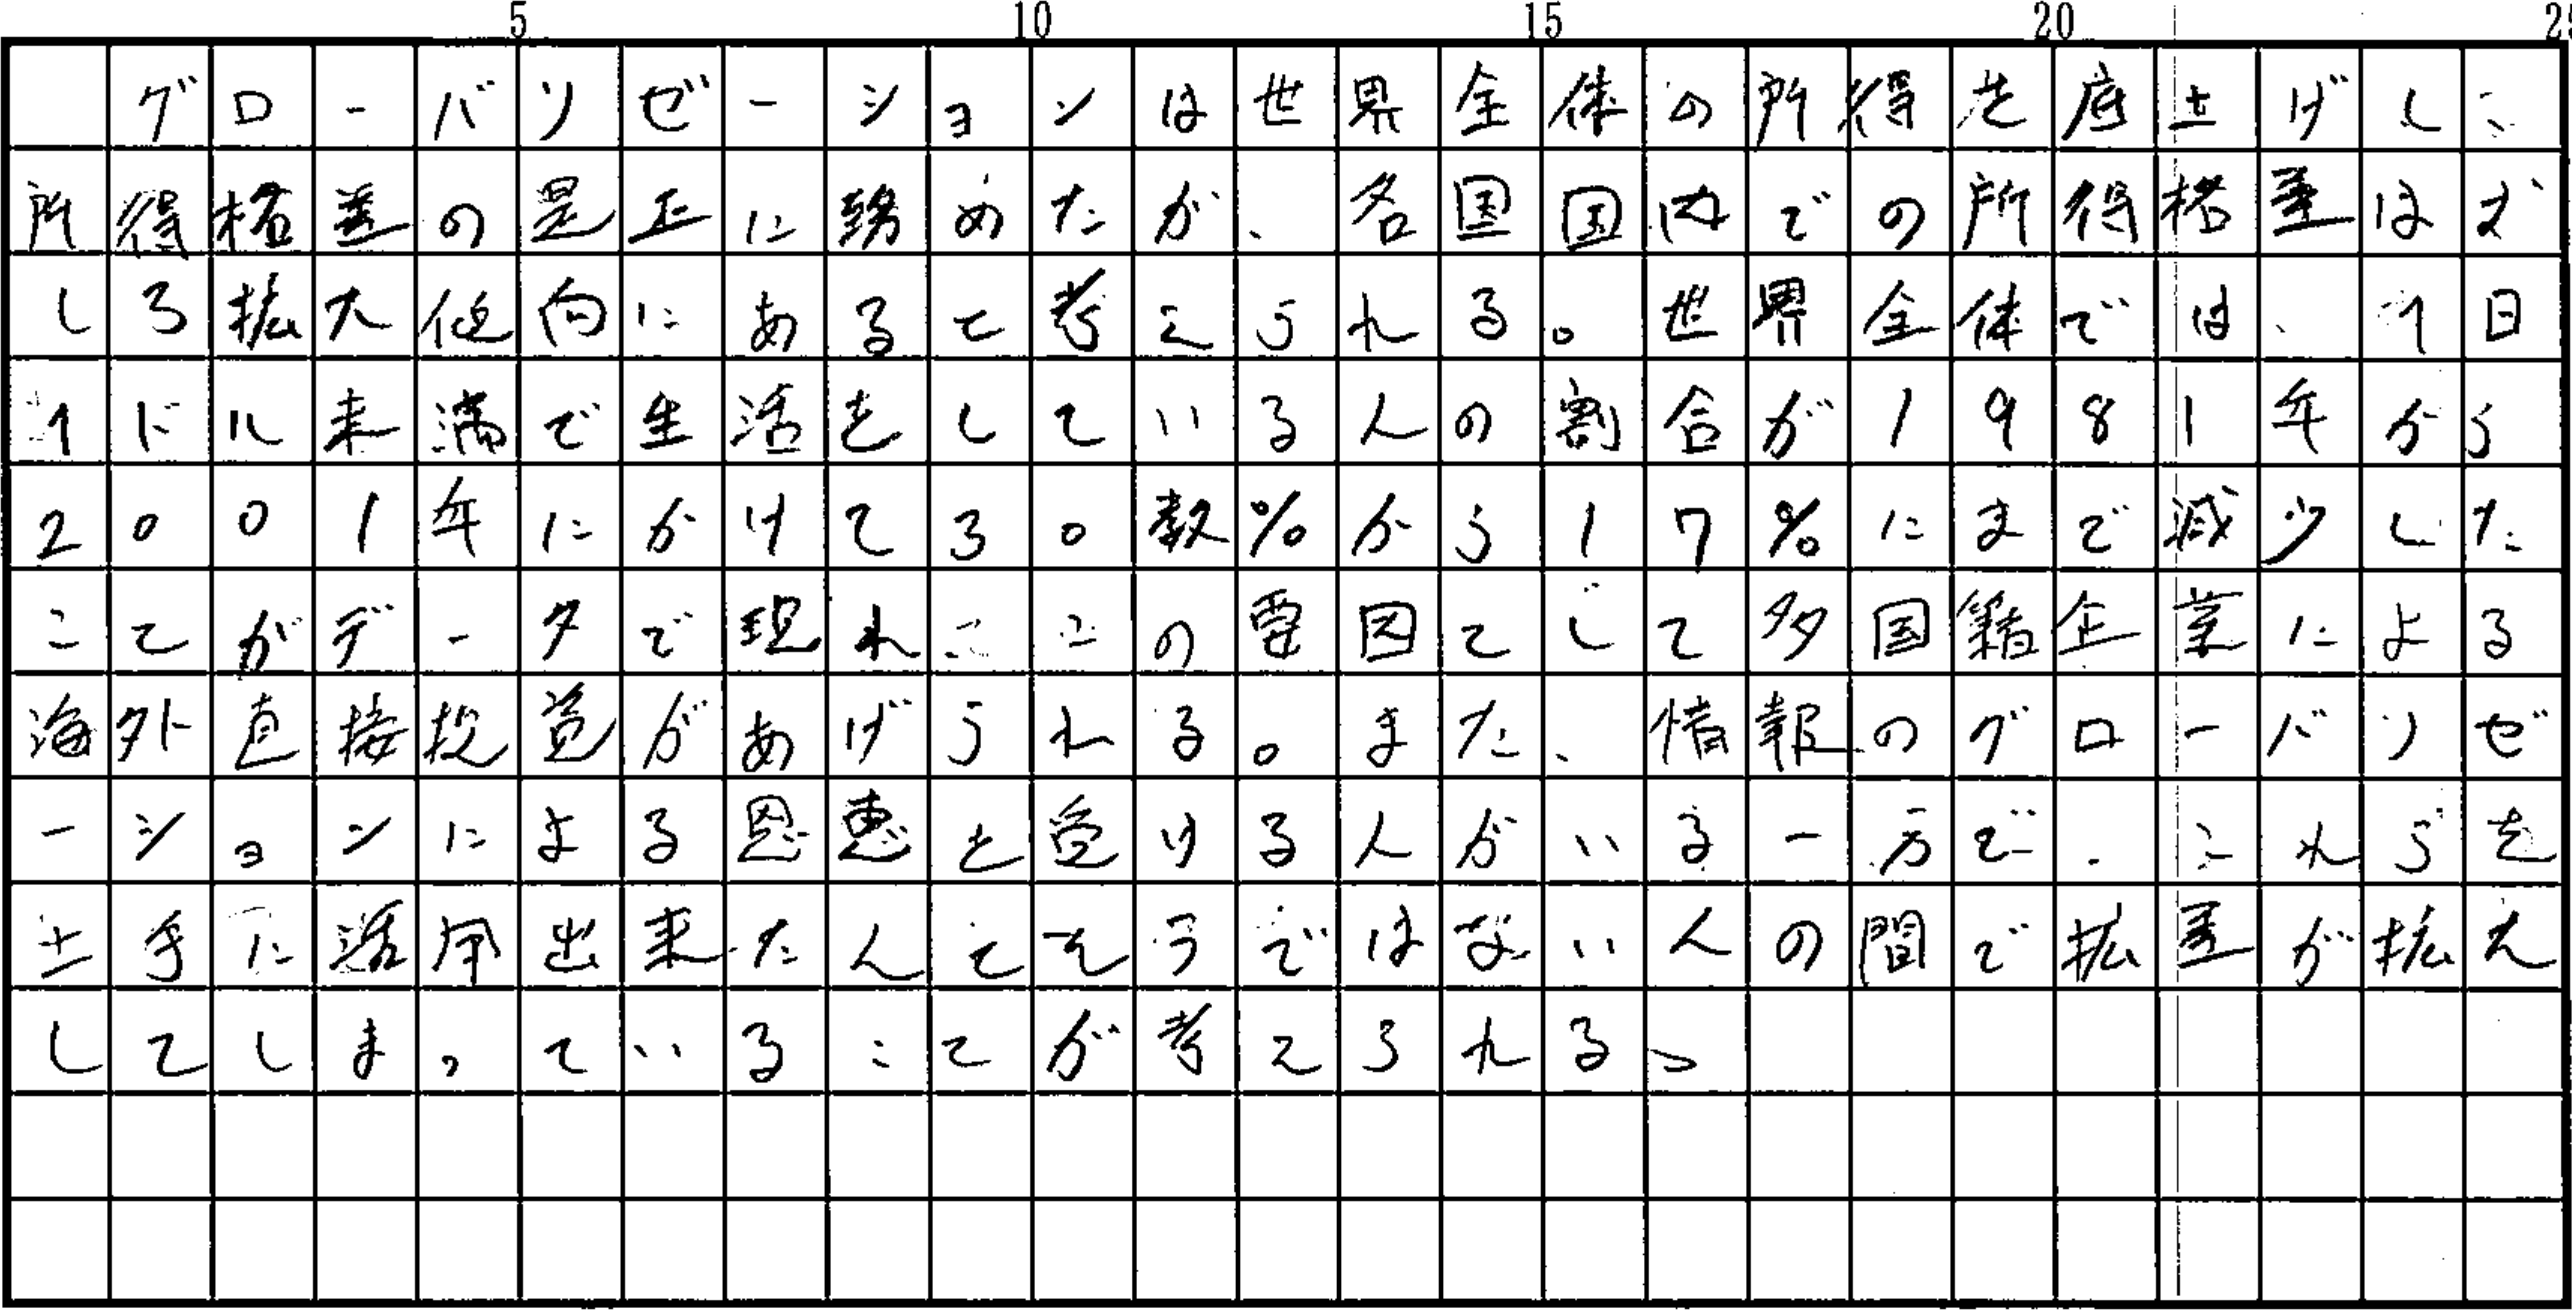　グローバリゼーションは世界全体の所得を底上げし、所得格差の是正に▁めたが、各国国内での所得格差はむしろ拡大傾向にあると考えられる。世界全体では、１日１ドル未満で生活をしている人の割合が１９８１年から２００１年にかけて３０数％から１７％にまで減少したことがデータで現れ、この要因として多国籍企業による海外直接投資があげられる。また、情報のグローバリゼーションによる恩恵を受ける人がいる一方で、これらを上手に活用出来た人とそうではない人の間で拡▁が拡大してしまっていることが考えられる。
